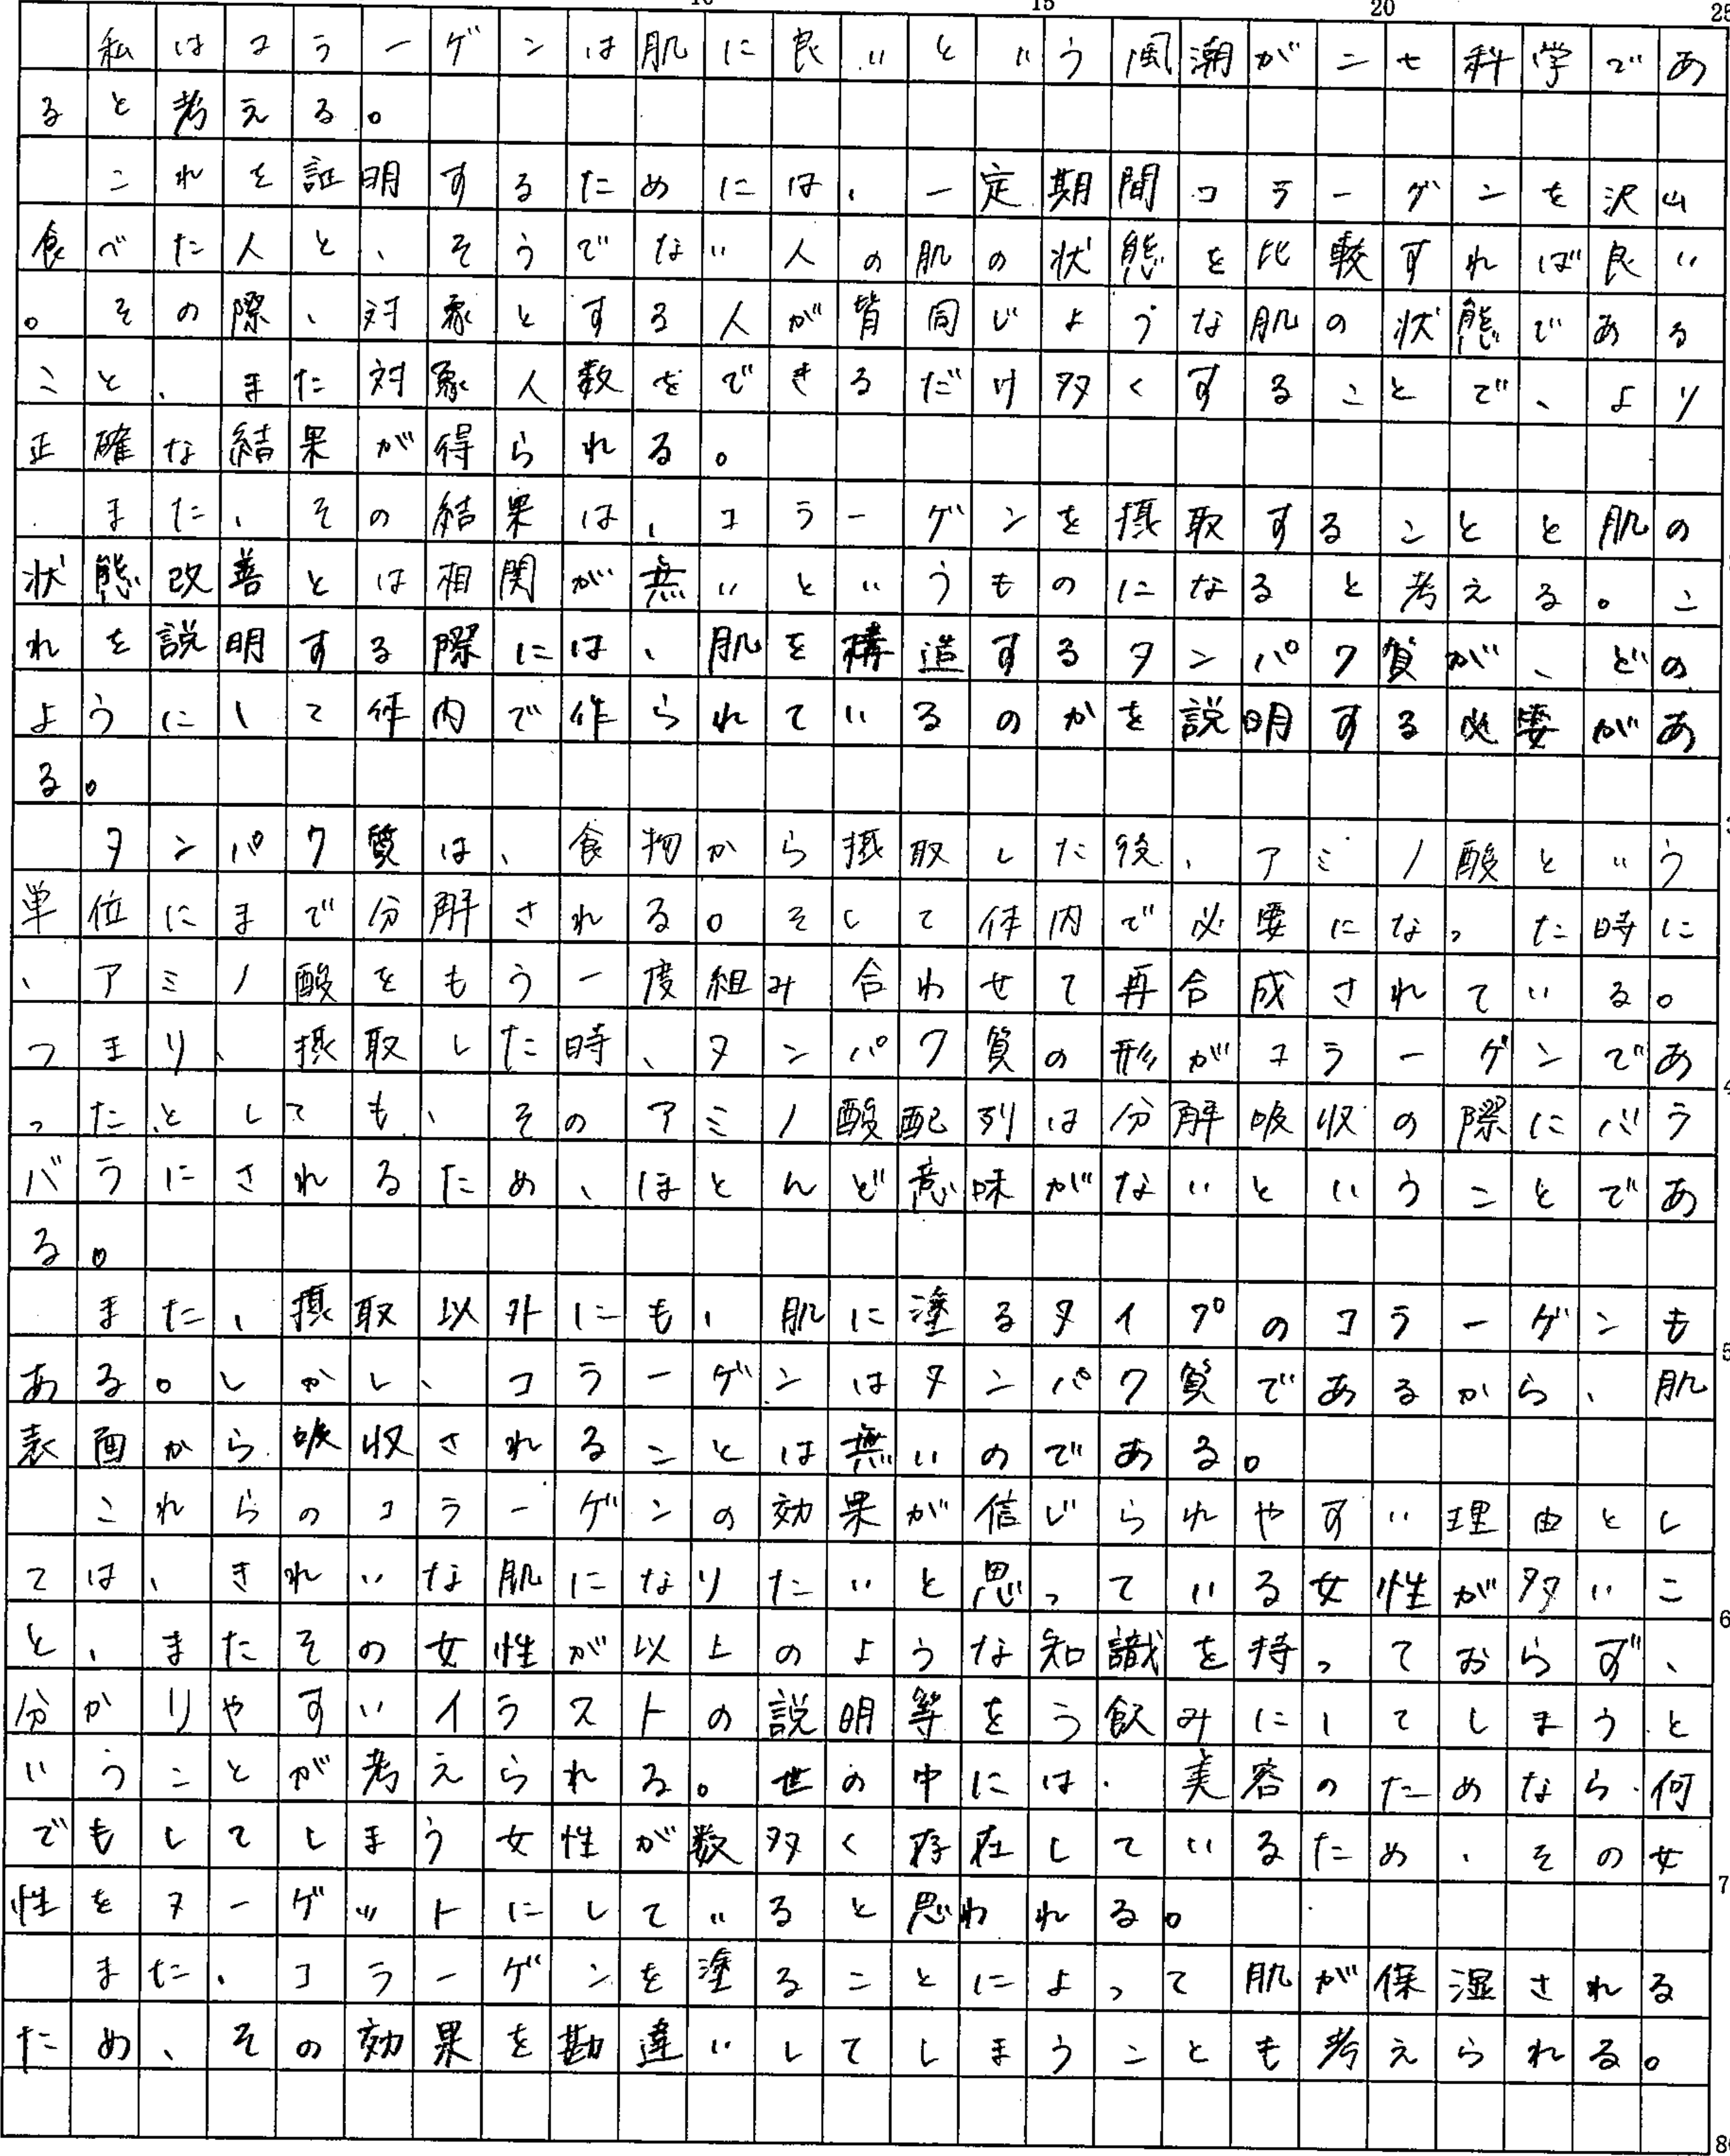　私はコラーゲンは肌に良いという風潮がニセ科学であると考える。
　これを証明するためには、一定期間コラーゲンを沢山食べた人と、そうでない人の肌の状態を比較すれば良い。その際、対象とする人が皆同じような肌の状態であること、また対象人数をできるだけ多くすることで、より正確な結果が得られる。
　また、その結果は、コラーゲンを摂取することと肌の状態改善とは相関が無いというものになると考える。これを説明する際には、肌を構造するタンパク質が、どのようにして体内で作られているのかを説明する必要がある。
　タンパク質は、食物から摂取した後、アミノ酸という単位にまで分解される。そして体内で必要になった時に、アミノ酸をもう一度組み合わせて再合成されている。つまり、摂取した時、タンパク質の形がコラーゲンであったとしても、そのアミノ酸配列は分解吸収の際にバラバラにされるため、ほとんど意味がないということである。
　また、摂取以外にも、肌に塗るタイプのコラーゲンもある。しかし、コラーゲンはタンパク質であるから、肌表面から吸収されることは無いのである。
　これらのコラーゲンの効果が信じられやすい理由としては、きれいな肌になりたいと思っている女性が多いこと、またその女性が以上のような知識を持っておらず、分かりやすいイラストの説明等をう飲みにしてしまうということが考えられる。世の中には、美容のためなら何でもしてしまう女性が数多く存在しているため、その女性をターゲットにしていると思われる。
　また、コラーゲンを塗ることによって肌が保湿されるため、その効果を勘違いしてしまうことも考えられる。
